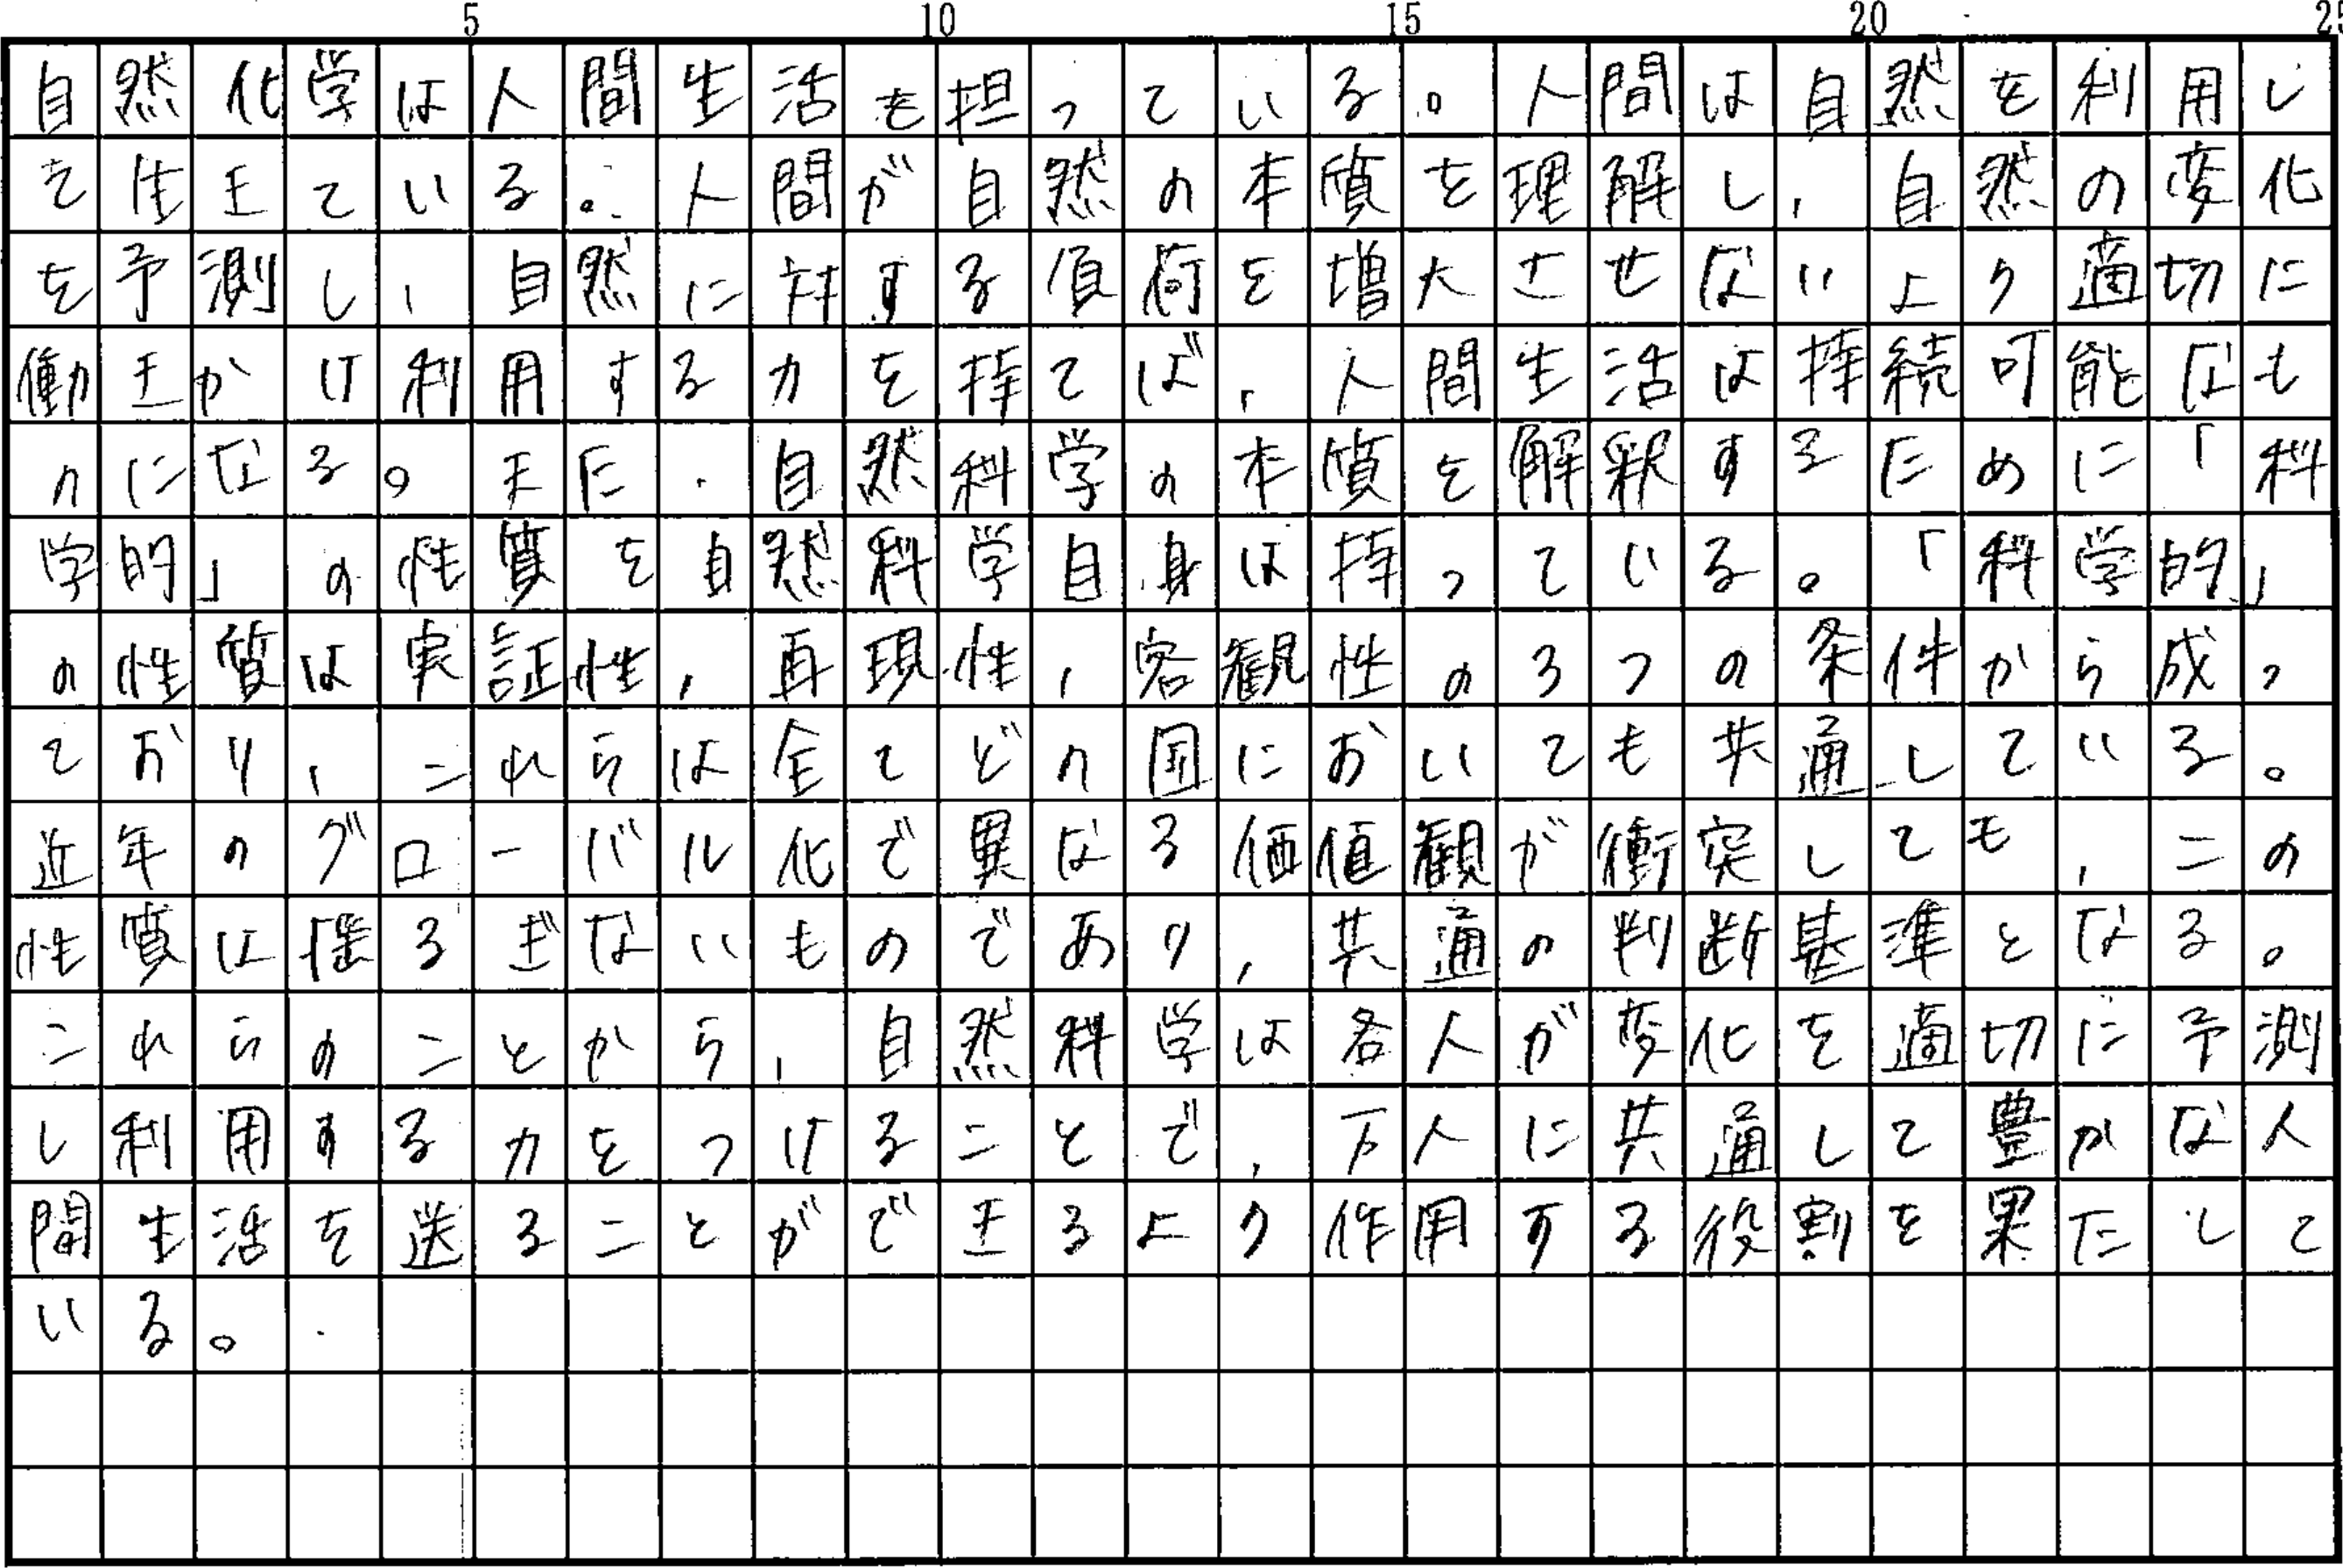自然化学は人間生活を担っている。人間は自然を利用して生きている。人間が自然の本質を理解し、自然の変化を予測し、自然に対する負荷を増大させないよう適切に働きかけ利用する力を持てば、人間生活は持続可能なものになる。また、自然科学の本質を解釈するために「科学的」の性質を自然科学自身は持っている。「科学的」の性質は実証性、再現性、客観性の３つの条件から成っており、これらは全てどの国においても共通している。近年のグローバル化で異なる価値観が衝突しても、この性質は揺るぎないものであり、共通の判断基準となる。これらのことから、自然科学は各人が変化を適切に予測し利用する力をつけることで、万人に共通して豊かな人間生活を送ることができるよう作用する役割を果たしている。
